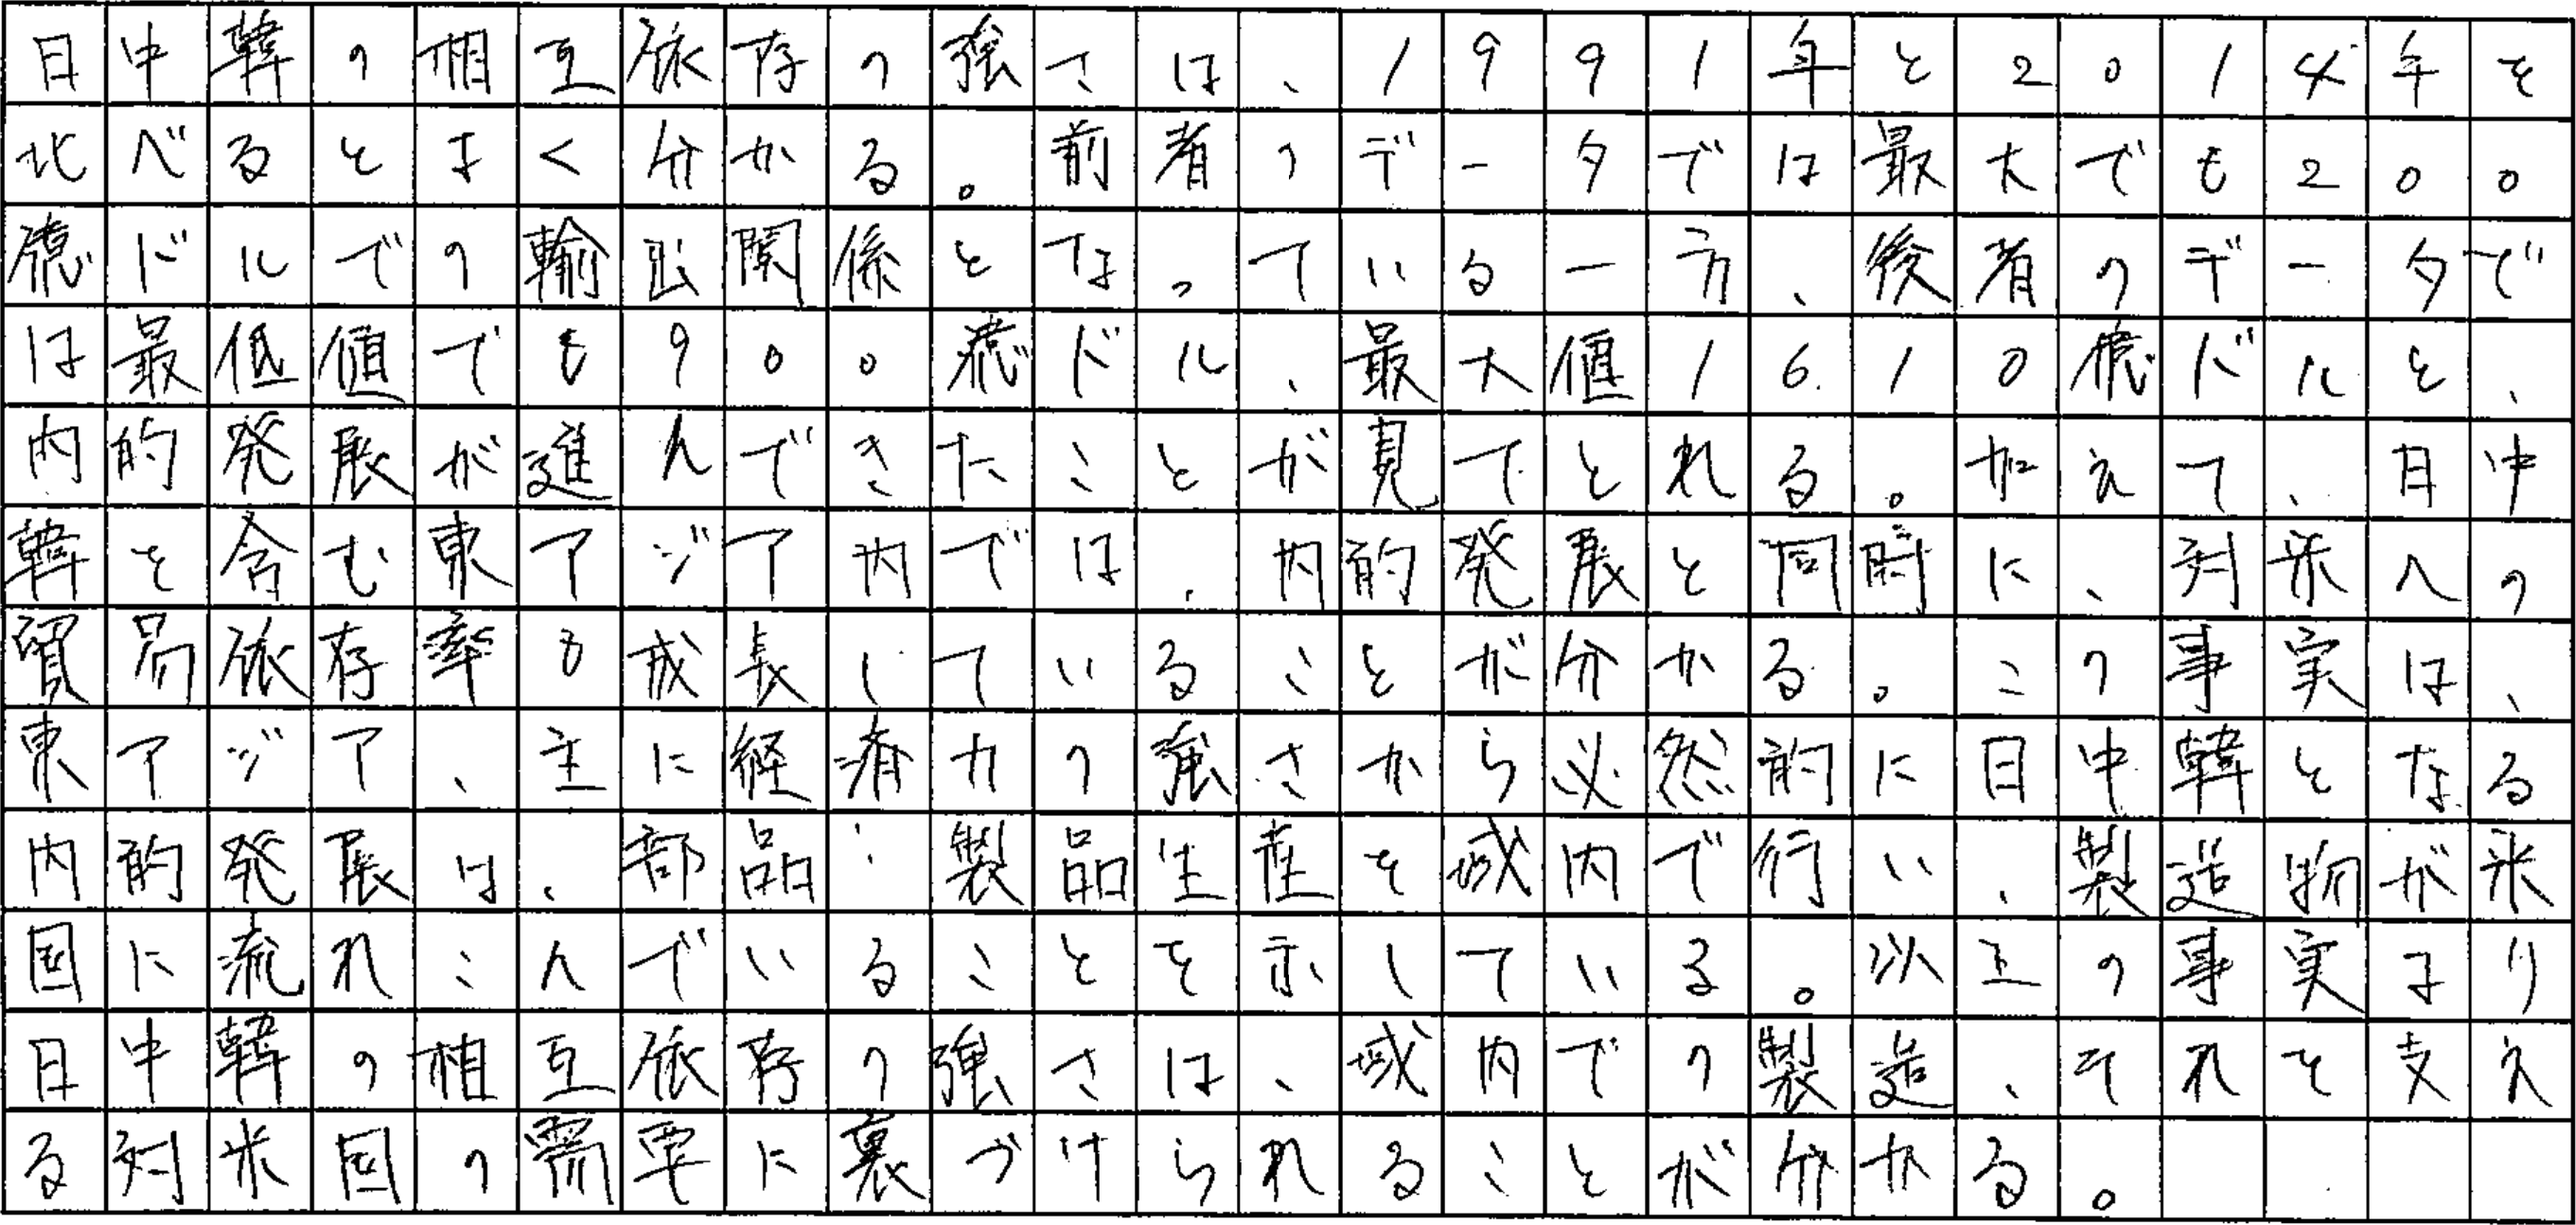日中韓の相互依存の強さは、１９９１年と２０１４年を▁べるとよく分かる。前者のデータでは最大でも２００億ドルでの輸出関係となっている一方、後者のデータでは最低値でも９００億ドル、最大値１６１０億ドルと、内的発展が進んできたことが見てとれる。加えて、日中韓を含む東アジア内では，内的発展と同時に、対米への貿易依存率も成長していることが分かる。この事実は、東アジア、主に経済力の強さから必然的に日中韓となる内的発展は、部品・製品生産を域内で行い、製造物が米国に流れこんでいることを示している。以上の事実より日中韓の相互依存の強さは、域内での製造、それを支える対米国の需要に裏づけられることが分かる。
